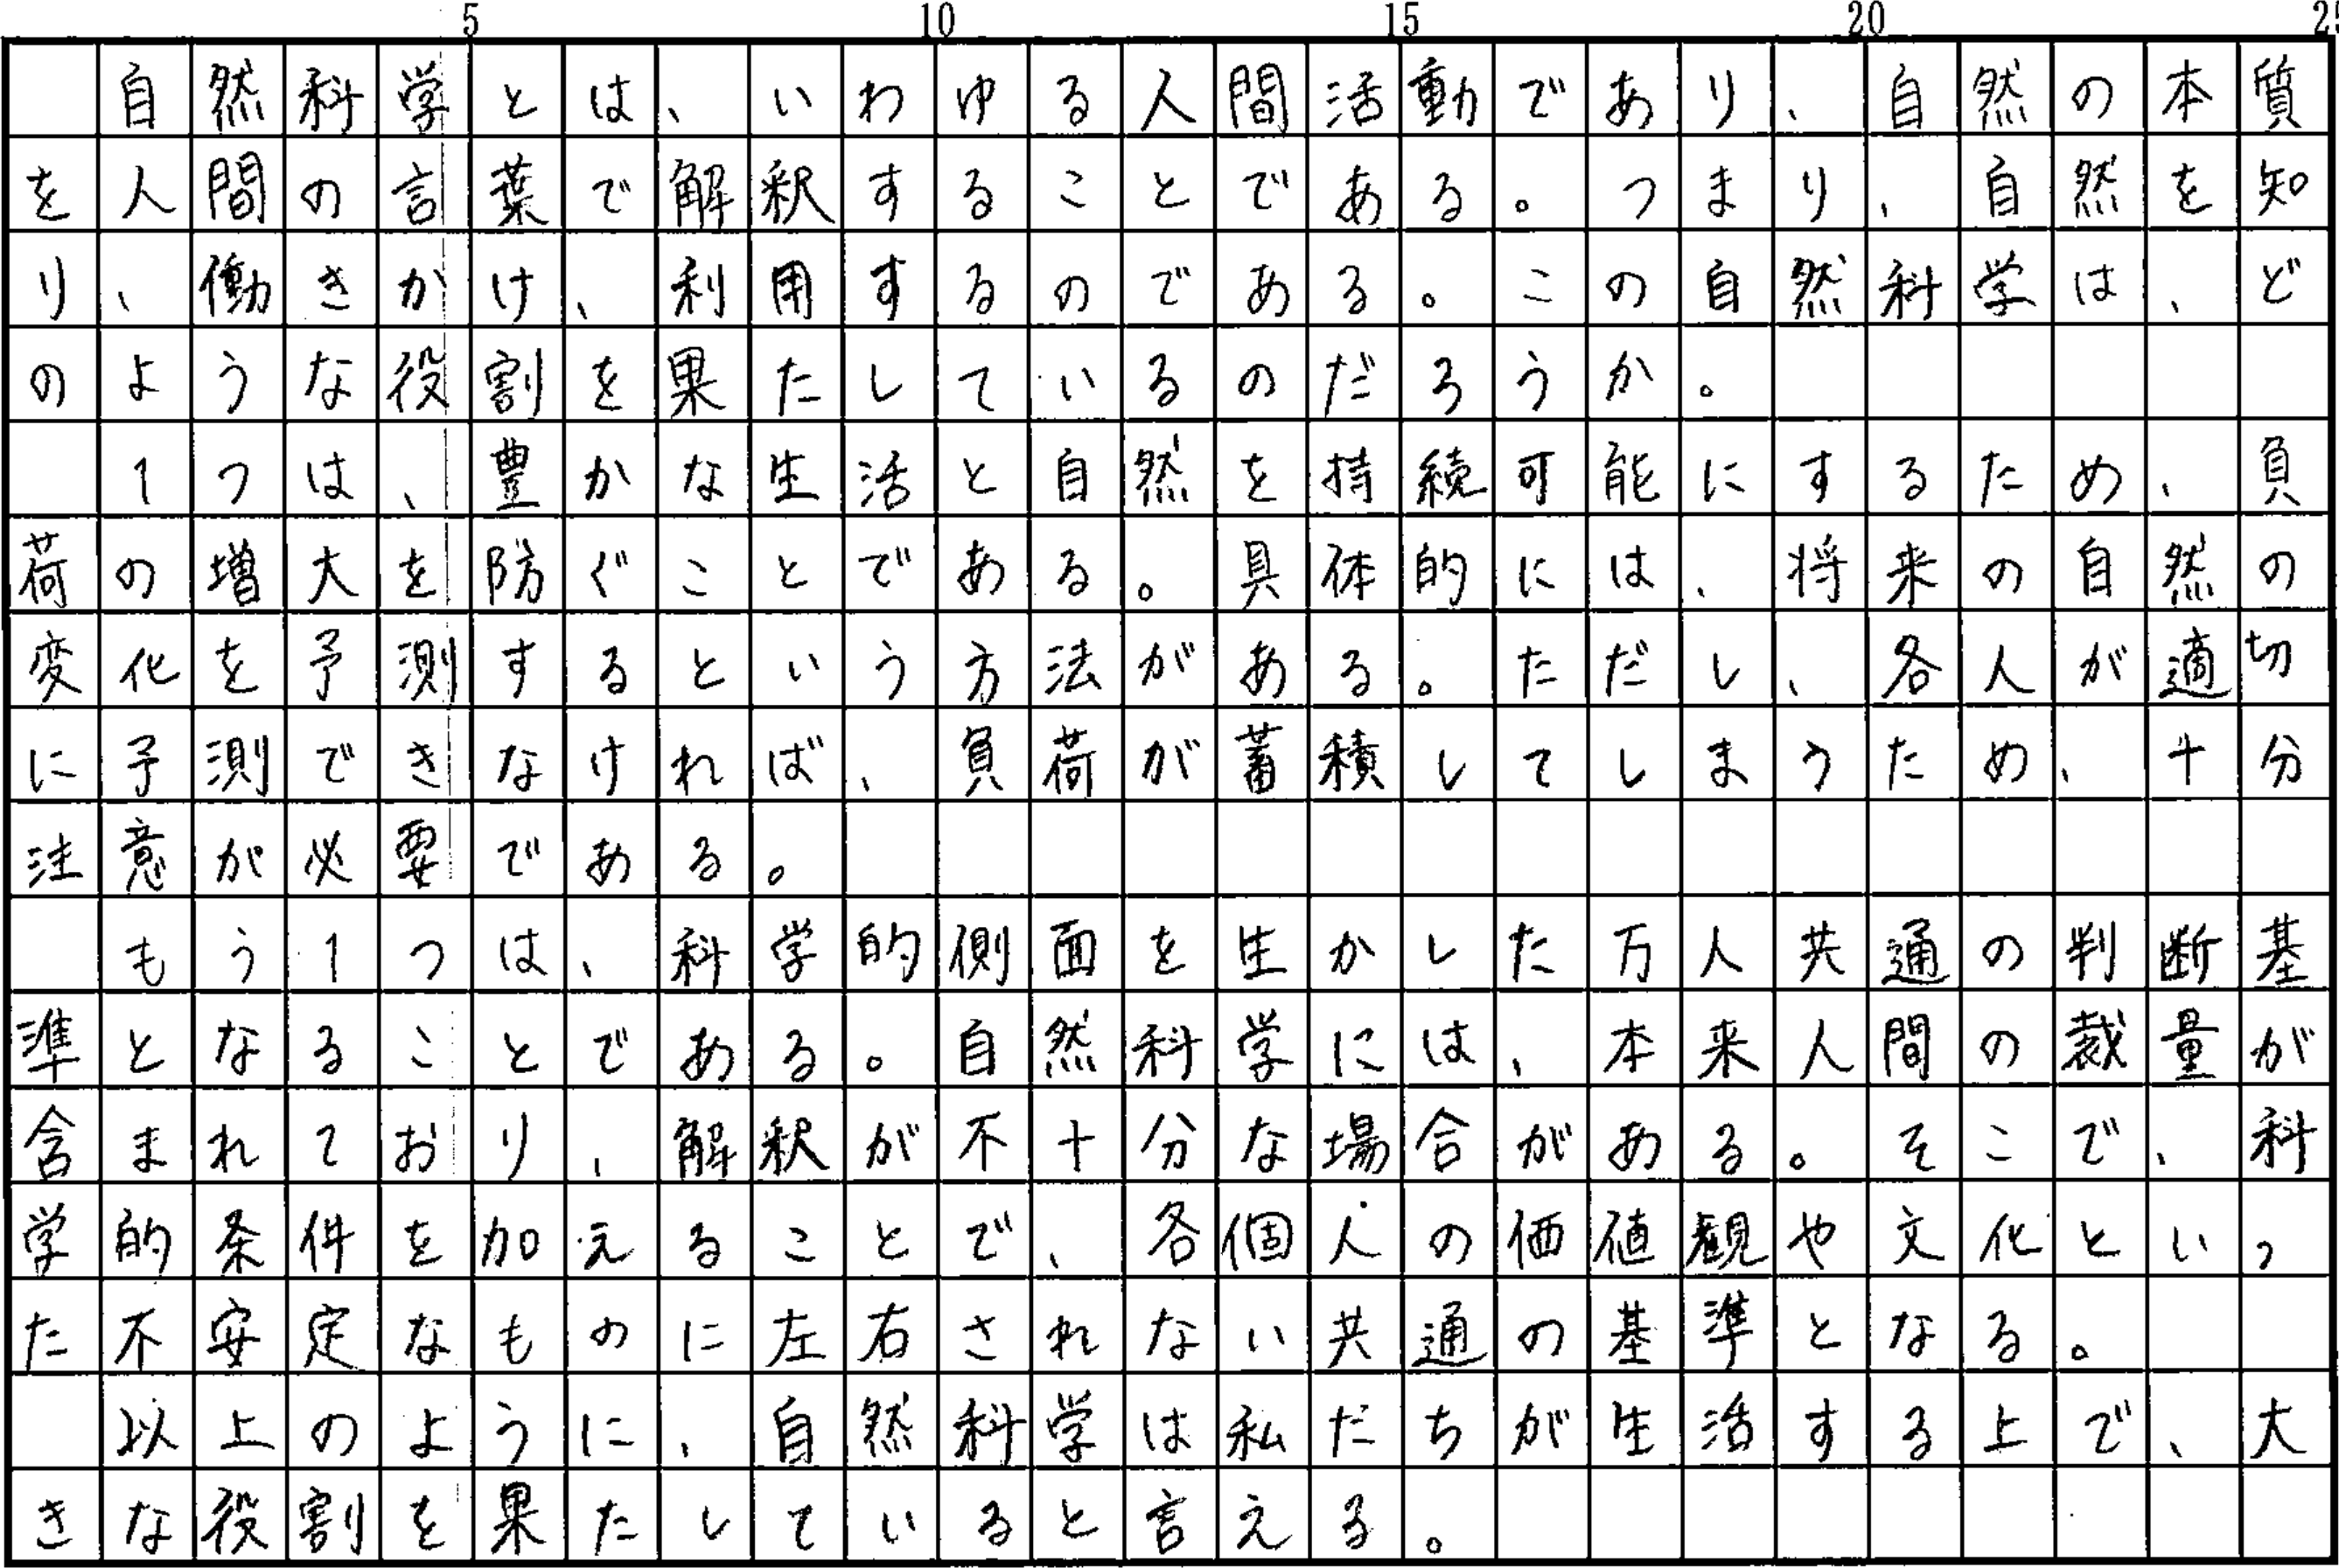　自然科学とは、いわゆる人間活動であり、自然の本質を人間の言葉で解釈することである。つまり、自然を知り、働きかけ、利用するのである。この自然科学は、どのような役割を果たしているのだろうか。
　１つは、豊かな生活と自然を持続可能にするため、負荷の増大を防ぐことである。具体的には、将来の自然の変化を予測するという方法がある。ただし、各人が適切に予測できなければ、負荷が蓄積してしまうため、十分注意が必要である。
　もう１つは、科学的側面を生かした万人共通の判断基準となることである。自然科学には、本来人間の裁量が含まれており、解釈が不十分な場合がある。そこで、科学的条件を加えることで、各個人の価値観や文化といった不安定なものに左右されない共通の基準となる。
　以上のように、自然科学は私たちが生活する上で、大きな役割を果たしていると言える。
